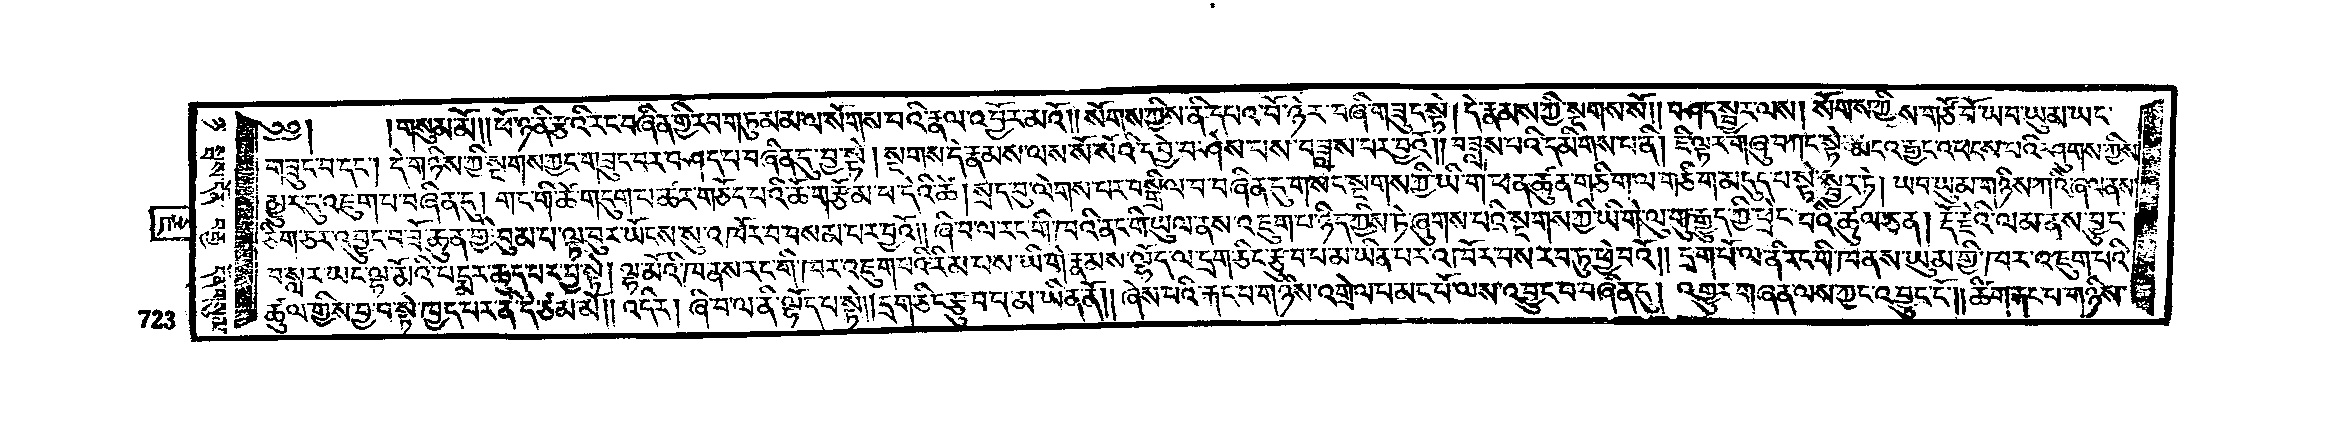༄༅། །གསུམ་མོ། །ཕོ་ཉ་ནི་རྩའི་རང་བཞིན་གྱི་རབ་གཏུམ་མ་ལ་སོགས་པའི་རྣལ་འབྱོར་མའོ། །སོགས་ཀྱིས་ནི་དཔའ་བོ་ཉེར་བཞི་གཟུང་སྟེ། དེ་རྣམས་ཀྱི་སྔགས་སོ། །བཤད་སྦྱར་ལས། སོགས་ཀྱིས་གཙོ་བོ་ཡབ་ཡུམ་ཡང་
གཟུང་བ་དང་། དེ་གཉིས་ཀྱི་སྔགས་ཀྱང་གཟུང་བར་བཤད་པ་བཞིན་དུ་བྱ་སྟེ། སྔགས་དེ་རྣམས་ལས་སོ་སོའི་དབྱེ་བ་ཤེས་པས་བཟླས་པར་བྱའོ། །བཟླས་པའི་དམིགས་པ་ནི། ཇི་ལྟར་གཞུ་བཀང་སྟེ་མདའ་རྒྱང་འཕངས་པའི་ཤུགས་ཀྱིས་
མྱུར་དུ་འཇུག་པ་བཞིན་དུ། གང་གི་ཚེ་གདུག་པ་ཚར་གཅོད་པའི་ཆོ་ག་རྩོམ་པ་དེའི་ཚེ། སྲད་བུ་ལེགས་པར་བསྒྲིལ་བ་བཞིན་དུ་གསང་སྔགས་ཀྱི་ཡི་གེ་ཕན་ཚུན་གཅིག་ལ་གཅིག་མདུད་པ་སྟེ་སྦྱར་ཏེ། ཡབ་ཡུམ་གཉིས་ཀའི་ཞལ་ནས་
ཅིག་ཅར་འབྱུང་བ་ཟོ་ཆུན་གྱི་བུམ་པ་ལྟ་བུར་ཡོངས་སུ་འཁོར་བ་བསམ་པར་བྱའོ། །ཞི་བ་ལ་རང་གི་ཁའི་ནང་གི་ཡུལ་ནས་འཇུག་པ་ཉིད་ཀྱིས་ཏེ་ཞུགས་པའི་སྔགས་ཀྱི་ཡི་གེ་ལུ་གུ་རྒྱུད་ཀྱི་ཕྲེང་བའི་ཚུལ་ཅན། རྡོ་རྗེའི་ལམ་ནས་བྱུང་
བ་སླར་ཡང་ལྷ་མོའི་པདམར་ཆུད་པར་བྱ་སྟེ། ལྷ་མོའི་ཁ་ནས་རང་གི་ཁར་འཇུག་པའི་རིམ་པས་ཡི་གེ་རྣམས་ལྷོད་ལ་དྲག་ཅིང་རྩུབ་པ་མ་ཡིན་པར་འཁོར་བས་རབ་ཏུ་ཕྱེ་བའོ། །དྲག་པོ་ལ་ནི་རང་གི་ཁ་ནས་ཡུམ་གྱི་ཁར་འཇུག་པའི་
ཚུལ་གྱིས་བྱ་བ་སྟེ་ཁྱད་པར་ནི་དེ་ཙམ་མོ། །འདིར། ཞི་བ་ལ་ནི་ལྷོད་པ་སྟེ། །དྲག་ཅིང་རྩུབ་པ་མ་ཡིན་ནོ། །ཞེས་པའི་རྐང་པ་གཉིས་འགྲེལ་པ་མང་པོ་ལས་འབྱུང་བ་བཞིན་དུ། འགྱུར་གཞན་ལས་ཀྱང་འབྱུང་ངོ། །ཚིག་རྐང་པ་གཉིས་